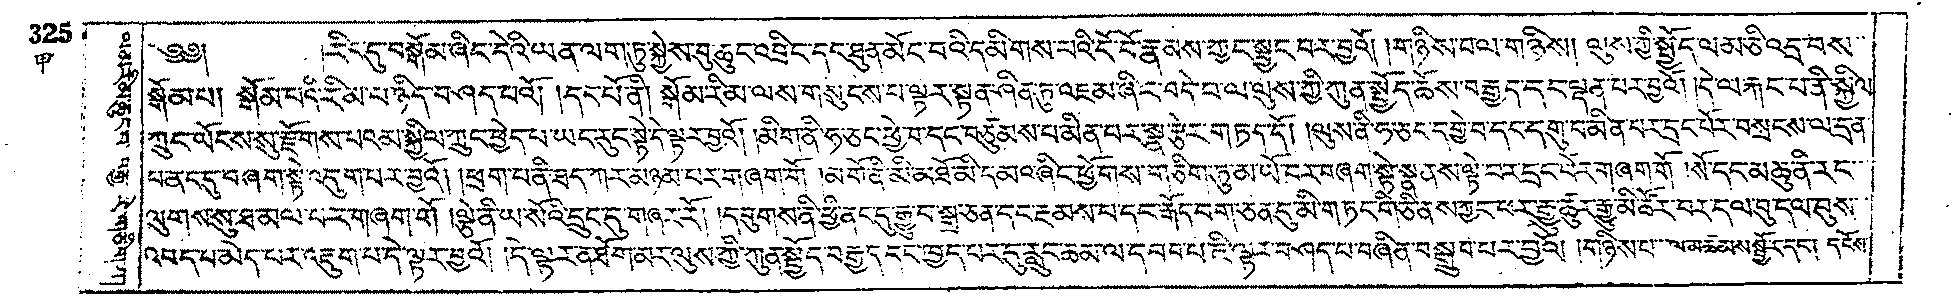༄༅། །རིང་དུ་བསྒོམ་ཞིང་དེའི་ཡན་ལག་ཏུ་སྐྱེས་བུ་ཆུང་འབྲིང་དང་ཐུན་མོང་བའི་དམིགས་པའི་ངོ་བོ་རྣམས་ཀྱང་སྦྱང་བར་བྱའོ། །གཉིས་པ་ལ་གཉིས། ལུས་ཀྱི་སྤྱོད་ལམ་ཅི་འདྲ་བས་
སྒོམ་པ། སྒོམ་པའི་རིམ་པ་ཉིད་བཤད་པའོ། །དང་པོ་ནི། སྒོམ་རིམ་ལས་གསུངས་པ་ལྟར་སྟན་ཤིན་ཏུ་འཇམ་ཞིང་བདེ་བ་ལ་ལུས་ཀྱི་ཀུན་སྤྱོད་ཆོས་བརྒྱད་དང་ལྡན་པར་བྱའོ། །དེ་ལ་རྐང་པ་ནི་སྐྱིལ་
ཀྲུང་ཡོངས་སུ་རྫོགས་པའམ་སྐྱིལ་ཀྲུང་ཕྱེད་པ་ཡང་རུང་སྟེ་དེ་ལྟར་བྱའོ། །མིག་ནི་ཧ་ཅང་ཕྱེ་བ་དང་བཙུམས་པ་མིན་པར་སྣ་རྩེར་གཏད་དོ། །ལུས་ནི་ཧ་ཅང་དགྱེ་བ་དང་དགུ་བ་མིན་པར་དྲང་པོར་བསྲངས་ལ་དྲན་
པ་ནང་དུ་བཞག་སྟེ་འདུག་པར་བྱའོ། །ཕྲག་པ་ནི་ཐད་ཀར་མཉམ་པར་གཞག་གོ །མགོ་ནི་མི་མཐོ་མི་དམའ་ཞིང་ཕྱོགས་གཅིག་ཏུ་མ་ཡོ་བར་བཞག་སྟེ་སྣ་ནས་ལྟེ་བར་དྲང་པོར་གཞག་གོ །སོ་དང་མཆུ་ནི་རང་
ལུགས་སུ་ཐ་མལ་པར་གཞག་གོ །ལྕེ་ནི་ཡ་སོའི་དྲུང་དུ་གཞར་རོ། །དབུགས་ནི་ཕྱི་ནང་དུ་རྒྱུ་བ་སྒྲ་ཅན་དང་རྔམས་པ་དང་རྒོད་བག་ཅན་དུ་མི་གཏང་གི་ཅི་ནས་ཀྱང་ཕར་རྒྱུ་ཚུར་རྒྱུ་མི་ཚོར་བར་དལ་བུ་དལ་བུས་
འབད་པ་མེད་པར་འཇུག་པ་དེ་ལྟར་བྱའོ། །དེ་ལྟར་ན་ཐོག་མར་ལུས་ཀྱི་ཀུན་སྤྱོད་བརྒྱད་དང་ཁྱད་པར་དུ་རླུང་ཆམ་ལ་དབབ་པ་ཇི་ལྟར་བཤད་པ་བཞིན་པ་སྒྲུབ་པར་བྱའོ། །གཉིས་པལ་མཚམས་སྦྱོར་དང་། དངོས་